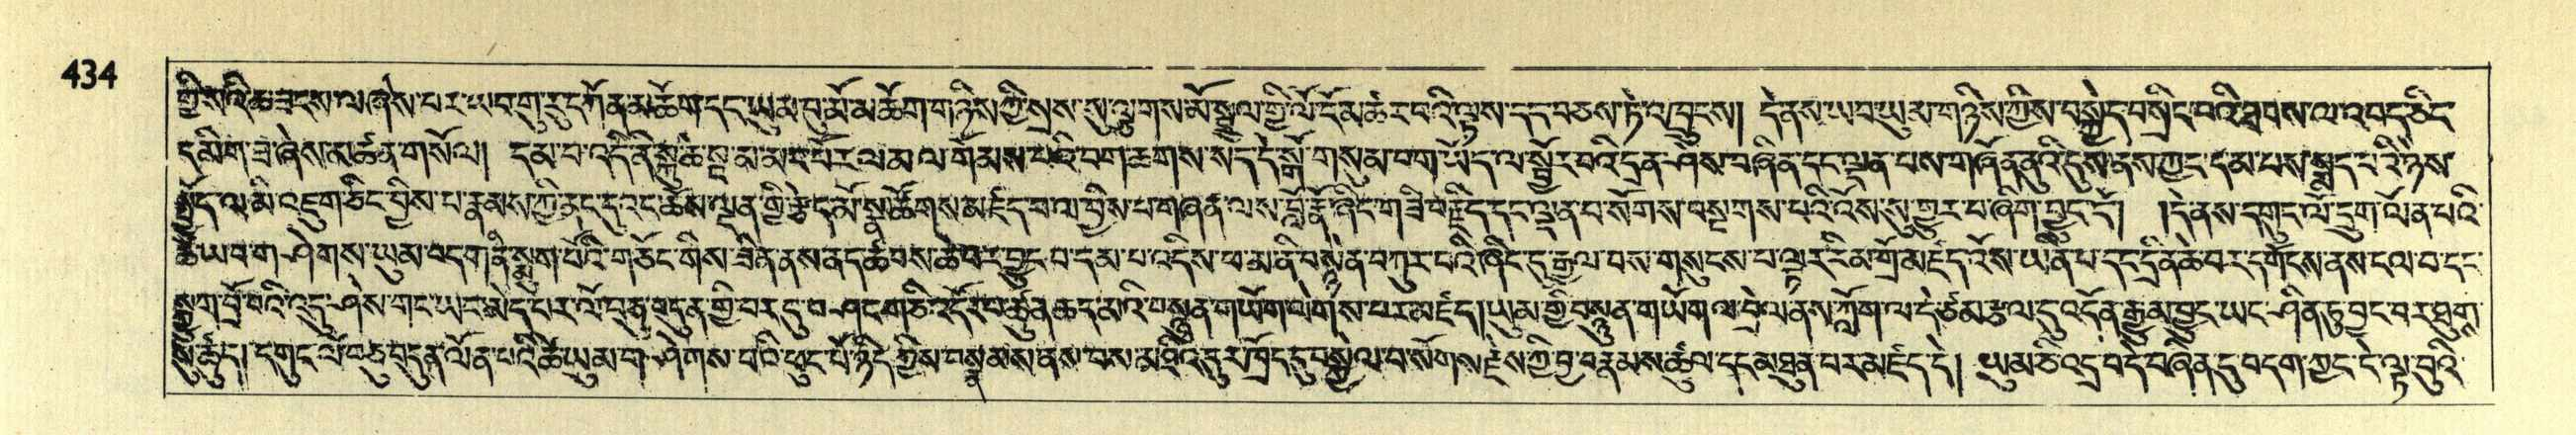གྱི་སའི་ཆ་ཟངས་ལ་ཞེས་པར་ཡབ་གུ་རུ་དཀོན་མཆོག་དང་ཡུམ་བུ་མོ་མཆོག་གཉིས་ཀྱིས་སྲས་སུ་ལྕགས་མོ་སྤྲུལ་གྱི་ལོ་ངོ་མཚར་བའི་ལྟས་དང་བཅས་ཏེ་འཁྲུངས། དེ་ནས་ཡབ་ཡུམ་གཉིས་ཀྱིས་བསྐྱེད་བསྲིང་བའི་ཐབས་ལ་འབད་ཅིང་
དམིག་ཟ་ཞེས་མཚན་གསོལ། དམ་པ་འདི་ནི་སྐུ་ཆེ་སྔ་མ་མང་པོར་ལམ་ལ་གོམས་པའི་བག་ཆགས་སད་དེ་སྒོ་གསུམ་བག་ཡོད་ལ་སྦྱོར་བའི་དྲན་ཤེས་བཞིན་དང་ལྡན་པས་གཞོན་ནུའི་དུས་ནས་ཀྱང་དམ་པས་སྨད་པའི་ཉེས་
སྤྱོད་ལ་མི་འཇུག་ཅིང་བྱིས་པ་རྣམས་ཀྱི་ནང་དུའང་ཆོས་ལྡན་གྱི་རྩེད་མོ་སྣ་ཚོགས་མཛད་བ་ལ་བྱིས་པ་གཞན་ལས་བློ་རྣོ་ཞིང་གཟི་བརྗིད་དང་ལྡན་བ་སོགས་བསྔགས་པའི་འོས་སུ་གྱུར་པ་ཞིག་བྱུང་ངོ། །དེ་ནས་དགུང་ལོ་དྲུག་ལོན་པའི་
ཆེ་ཡབ་གཤེགས་ཡུམ་བདག་ནི་སྨུག་པོའི་གཅོང་གིས་ཟིན་ནས་ནད་ཚབས་ཆེ་བར་བྱུང་བ་དམ་པ་འདིས་ཕ་མ་ནི་བསྙེན་བཀུར་བའི་ཞིང་དུ་རྒྱལ་བས་གསུངས་པ་ལྟར་རིམ་གྲོ་མཛད་འོས་ཡིན་པ་དང་དྲིན་ཆེ་བར་དགོངས་ནས་ངལ་བ་དང་
སྐྱུག་བྲོ་བའི་འདུ་ཤེས་གང་ཡང་མེད་པར་ལོ་བཅུ་བདུན་གྱི་བར་དུ་བཤང་ཅི་འདོར་བ་ཚུན་ཆད་མའི་བསྙུན་གཡོག་ལེགས་པར་མཛད། ཡུམ་གྱི་བསྙུན་གཡོག་ལ་བྲེལ་ནས་ཀློག་ལ་དེ་ཙམ་རྩལ་དུ་འདོན་རྒྱུན་མ་བྱུང་ཡང་ཤིན་ཏུ་བྱང་བར་ཐུགས་
སུ་ཚུད། དགུང་ལོ་བཅུ་བདུན་ལོན་པའི་ཚེ་ཡུམ་གཤེགས་པའི་ཕུང་པོ་ཉིད་ཀྱིས་བསྣམས་ནས་བས་མཐི་འདུར་ཁྲོད་དུ་བསྐྱེད་བ་སོགས་རྗེས་ཀྱི་བྱ་བ་རྣམས་ཚུལ་དང་མཐུན་པར་མཛད་དེ། ཡུམ་ཅི་འདྲ་བ་དེ་བཞིན་དུ་བདག་ཀྱང་དེ་ལྟ་བུའི་